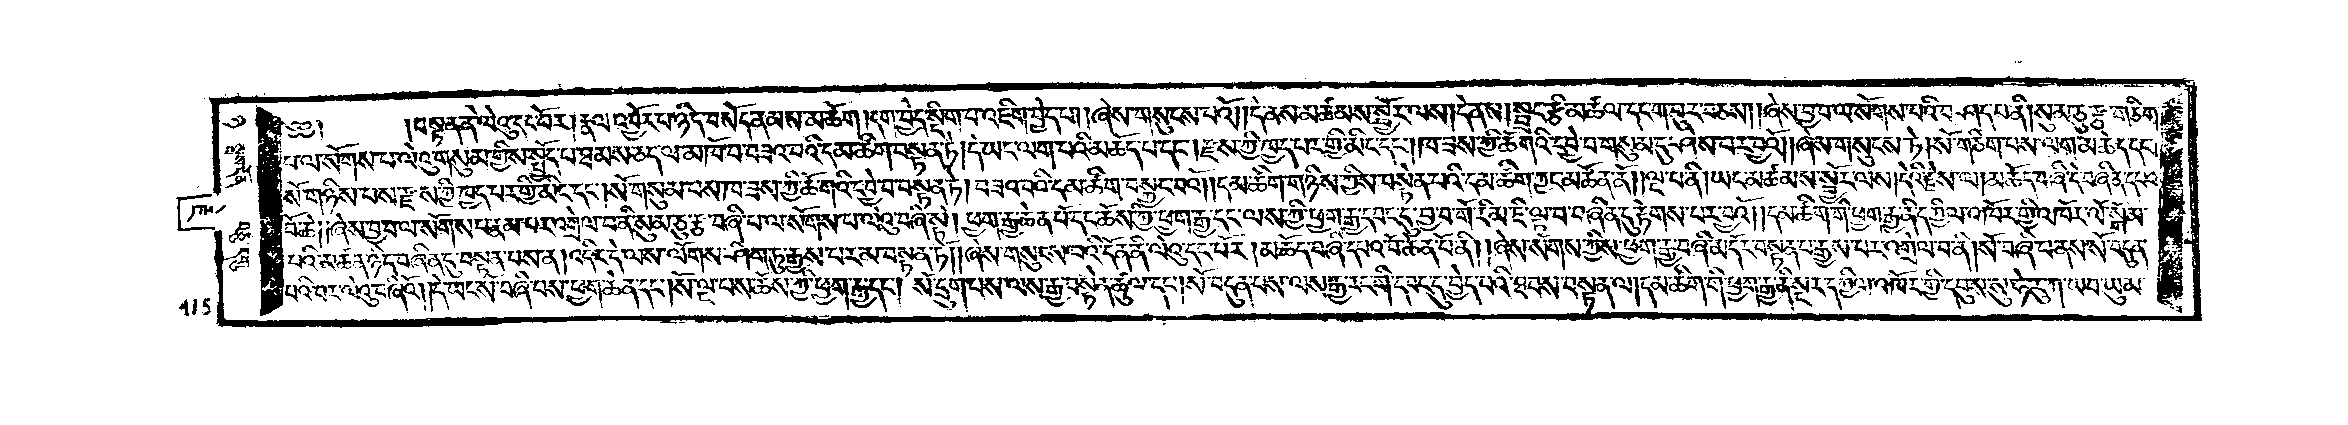༄༅། །བསྟན་ནི་ལེའུ་དང་པོར། རྣལ་འབྱོར་བ་ཉིད་བསོད་ནམས་མཆོག །དག་བྱེད་སྡིག་པ་འཇིག་བྱེད་པ། །ཞེས་གསུངས་པའོ། །ད་ནས་མཚམས་སྦྱོར་ལས། དེ་ནས། སྦྲང་རྩི་མཚལ་དང་ག་བུར་བཅས། །ཞེས་བྱ་བ་ལ་སོགས་པའི་བཤད་པ་ནི། སུམ་ཅུ་རྩ་གཅིག་
པ་ལ་སོགས་པ་ལེའུ་གསུམ་གྱིས་སྤྱོད་པ་ཐམས་ཅད་ལ་མཁོ་བ་བཟའ་བའི་དམ་ཚིག་བསྟན་ཏེ། དེ་ཡང་ལག་པའི་མཆོད་པ་དང་། རྫས་ཀྱི་ཁྱད་པར་གྱི་མིང་དང་། ཁ་ཟས་ཀྱི་ཆོ་གའི་དབྱེ་བ་གསུམ་དུ་ཤེས་པར་བྱའོ། །ཞེས་གསུངས་ཏེ། སོ་གཅིག་པས་ལག་མཆོད་དང་།
སོ་གཉིས་པས་རྫས་ཀྱི་ཁྱད་པར་གྱི་མིང་དང་། སོ་གསུམ་པས་ཁ་ཟས་ཀྱི་ཆོ་གའི་དབྱེ་བ་བསྟན་ཏེ། བཟའ་བའི་དམ་ཚིག་བསྐྱང་བའོ། །དམ་ཚིག་གཉིས་ཀྱིས་བསྟེན་པའི་དམ་ཚིག་ཀྱང་མཚན་ནོ། །ལྔ་པ་ནི། ཡང་མཚམས་སྦྱོར་ལས། དེའི་རྗེས་ལ། མཆོད་བཞི་དེ་བཞིན་དཔའ་
བོ་ཆེ། །ཞེས་བྱ་བ་ལ་སོགས་པ་རྣམ་པར་འགྲེལ་བ་ནི་སུམ་ཅུ་རྩ་བཞི་པ་ལ་སོགས་པ་ལེའུ་བཞི་སྟེ། ཕྱག་རྒྱ་ཆེན་པོ་དང་ཆོས་ཀྱི་ཕྱག་རྒྱ་དང་ལས་ཀྱི་ཕྱག་རྒྱ་དབང་དུ་བྱ་བ་གོ་རིམ་ཇི་ལྟ་བ་བཞིན་དུ་རྟོགས་པར་བྱའོ། །དམ་ཚིག་གི་ཕྱག་རྒྱ་ནི་དཀྱིལ་འཁོར་གྱི་འཁོར་ལོ་སྒོམ་
པའི་མཚན་ཉིད་བཞིན་དུ་བསྟན་པས་ན། འདིར་དེ་ལས་ལོགས་ཤིག་ཏུ་རྒྱས་པར་མ་བསྟན་ཏོ། །ཞེས་གསུངས་བའི་དོན་ནི་ལེའུ་དང་པོར། མཆོད་བཞི་དཔའ་བོ་ཆེན་པོ་ནི། །ཞེས་སོགས་ཀྱིས་ཕྱག་རྒྱ་བཞི་མདོར་བསྟན་པ་རྒྱས་པར་འགྲེལ་བ་ནི། སོ་བཞི་པ་ནས་སོ་བདུན་
པའི་བར་ལེའུ་བཞིའོ། །དེ་ཡང་སོ་བཞི་པས་ཕྱག་ཆེན་དང་། སོ་ལྔ་པས་ཆོས་ཀྱི་ཕྱག་རྒྱ་དང་། སོ་དྲུག་པས་ལས་རྒྱ་བསྟེན་ཚུལ་དང་། སོ་བདུན་པས་ལས་རྒྱ་རང་གི་དབང་དུ་བྱེད་པའི་ཐབས་བསྟན་ལ། དམ་ཚིག་གི་ཕྱག་རྒྱ་ནི་སྔར་དཀྱིལ་འཁོར་གྱི་དབུས་སུ་ཧེ་རུ་ཀ་ཡབ་ཡུམ་